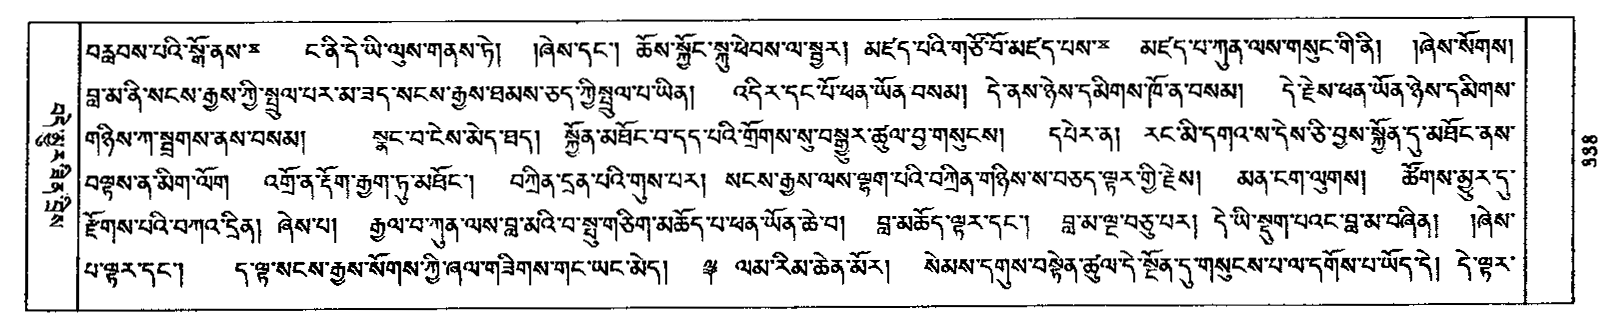བརླབས་པའི་སྒོ་ནས་྾་ང་ནི་དེ་ཡི་ལུས་གནས་ཏེ། །ཞེས་དང་། ཆོས་སྐྱོང་སྐུ་ཕེབས་ལ་སྦྱར། མཛད་པའི་གཙོ་བོ་མཛད་པས་྾་མཛད་པ་ཀུན་ལས་གསུང་གི་ནི། །ཞེས་སོགས།
བླ་མ་ནི་སངས་རྒྱས་ཀྱི་སྤྲུལ་པར་མ་ཟད་སངས་རྒྱས་ཐམས་ཅད་ཀྱི་སྤྲུལ་པ་ཡིན། འདིར་དང་པོ་ཕན་ཡོན་བསམ། དེ་ནས་ཉེས་དམིགས་ཁོ་ན་བསམ། དེ་རྗེས་ཕན་ཡོན་ཉེས་དམིགས་
གཉིས་ཀ་སྦྲགས་ནས་བསམ། སྣང་བ་ངེས་མེད་ཐད། སྐྱོན་མཐོང་བ་དད་པའི་གྲོགས་སུ་བསྒྱུར་ཚུལ་བྱ་གསུངས། དཔེར་ན། རང་མི་དགའ་ས་དེས་ཅི་བྱས་སྐྱོན་དུ་མཐོང་ནས་
བལྟས་ན་མིག་ལོག་འགྲོ་ན་རྡོག་རྒྱག་ཏུ་མཐོང་། བཀྲིན་དྲན་པའི་གུས་པར། སངས་རྒྱས་ལས་ལྷག་པའི་བཀྲིན་གཉིས་ས་བཅད་ལྟར་གྱི་རྗེས། མན་ངག་ལུགས། ཚོགས་མྱུར་དུ་
རྫོགས་པའི་བཀའ་དྲིན། ཞེས་པ། རྒྱལ་བ་ཀུན་ལས་བླ་མའི་བ་སྤུ་གཅིག་མཆོད་པ་ཕན་ཡོན་ཆེ་བ། བླ་མཆོད་ལྟར་དང་། བླ་མ་ལྔ་བཅུ་པར། དེ་ཡི་སྡུག་པའང་བླ་མ་བཞིན། །ཞེས་
པ་ལྟར་དང་། ད་ལྟ་སངས་རྒྱས་སོགས་ཀྱི་ཞལ་གཟིགས་གང་ཡང་མེད། ༈ ལམ་རིམ་ཆེན་མོར། སེམས་དགུས་བསྟེན་ཚུལ་དེ་སྔོན་དུ་གསུངས་པ་ལ་དགོས་པ་ཡོད་དེ། དེ་ལྟར་